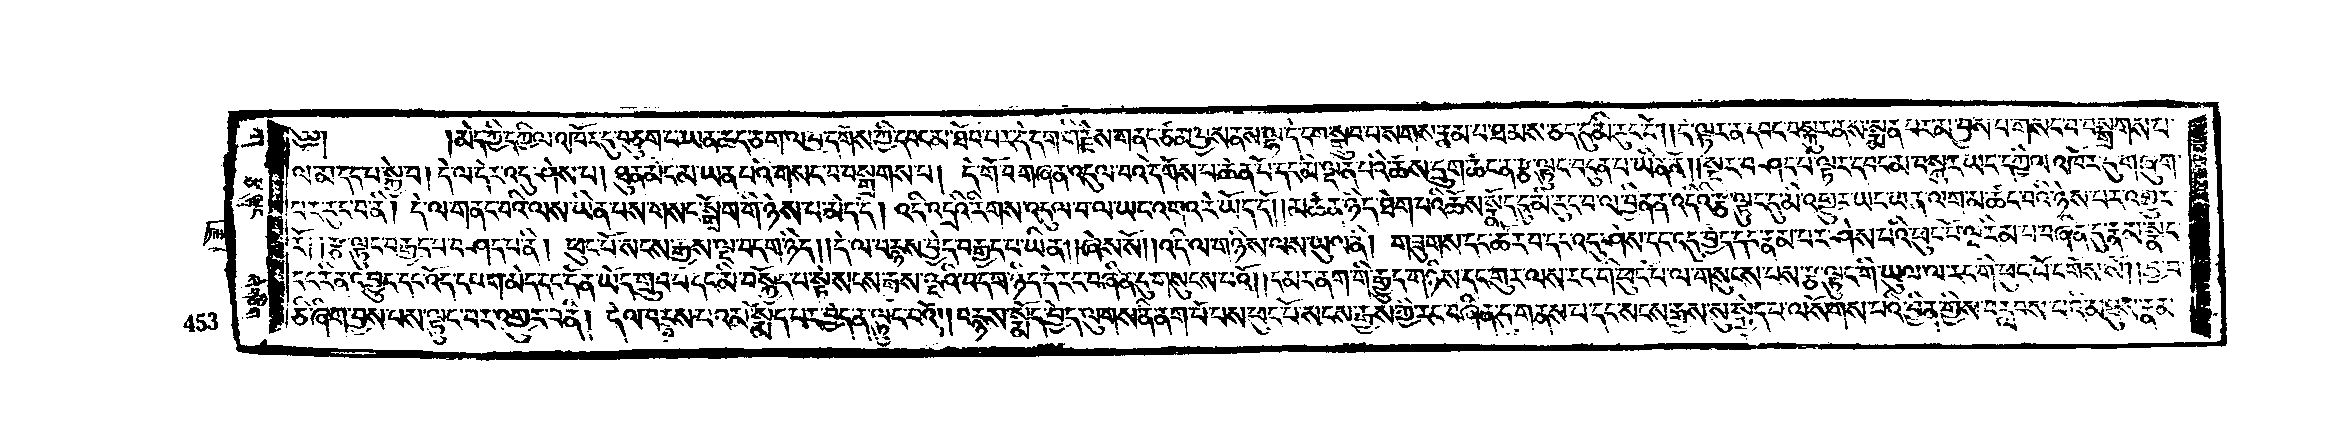༄༅། །མེད་ཀྱི་དཀྱིལ་འཁོར་དུ་བཅུག་པ་ཡན་ཆད་ཅག་ལ་བྱ་དགོས་ཀྱི་དབང་མ་ཐོབ་པར་དེ་དག་གི་རྗེས་གནང་ཙམ་བྱས་ནས་ལྷ་དེ་དག་སྒྲུབ་པ་སོགས་རྣམ་པ་ཐམས་ཅད་དུ་མི་རུང་ངོ། །དེ་ལྟར་ན་དབང་བསྐུར་ནས་སྨན་པར་མ་བྱས་པ་གསང་བ་བསྒྲགས་པ་
ལ་མ་དད་པ་སྐྱེ་བ། དེ་ལ་དེར་འདུ་ཤེས་པ། ཐུན་མོང་མ་ཡིན་པའི་གསང་བ་བསྒྲགས་པ། དེ་གོ་བ་གཞན་འདུལ་བའི་དགོས་པ་ཆེན་པོ་དང་མི་ལྡན་པའི་ཆོས་དྲུག་ཚང་ན་རྩ་ལྟུང་བདུན་པ་ཡིན་ནོ། །སྔར་བཤད་པ་ལྟར་དབང་མ་བསྐུར་ཡང་དཀྱིལ་འཁོར་དུ་གཞུག་
པར་རུང་བ་ནི། དེ་ལ་གནང་བའི་ལས་ཡིན་པས་གསང་སྒྲོག་གི་ཉེས་པ་མེད་དེ། འདི་འདྲའི་རིགས་འདུལ་བ་ལ་ཡང་འགའ་རེ་ཡོད་དོ། །མཚན་ཉིད་ཐེག་པའི་ཆོས་སྣོད་དུ་མི་རུང་བ་ལ་བྱིན་ན་འདིའི་རྩ་ལྟུང་དུ་མི་འགྱུར་ཡང་ཡན་ལག་མ་ཚང་བའི་ཉེས་པར་འགྱུར་
རོ། །རྩ་ལྟུང་བརྒྱད་པ་བཤད་པ་ནི། ཕུང་པོ་སངས་རྒྱས་ལྔ་བདག་ཉིད། །དེ་ལ་བརྙས་བྱེད་བརྒྱད་པ་ཡིན། །ཞེས་སོ། །འདི་ལ་གཉིས་ལས་ཡུལ་ནི། གཟུགས་དང་ཚོར་བ་དང་འདུ་ཤེས་དང་འདུ་བྱེད་དང་རྣམ་པར་ཤེས་པའི་ཕུང་པོ་ལྔ་རིམ་པ་བཞིན་དུ་རྣམ་སྣང་
དང་རིན་འབྱུང་དང་འོད་དཔག་མེད་དང་དོན་ཡོད་གྲུབ་པ་དང་མི་བསྐྱོད་པ་སྟེ་སངས་རྒྱས་ལྔའི་བདག་ཉིད་དེ་རང་བཞིན་དུ་གསུངས་པའོ། །དམར་ནག་གི་རྒྱུད་གཉིས་དང་གུར་ལས་རང་གི་ཕུང་པོ་ལ་གསུངས་པས་རྩ་ལྟུང་གི་ཡུལ་ལ་རང་གི་ཕུང་པོ་དགོས་སོ། །བྱ་བ་
ཅི་ཞིག་བྱས་པས་ལྟུང་བར་འགྱུར་བ་ནི། དེ་ལ་བརྙས་པའམ་སྨོད་པར་བྱེད་ན་ལྟུང་བའོ། །བརྙས་སྨོད་བྱེད་ལུགས་ནི་ནག་པོ་པས་ཕུང་པོ་སངས་རྒྱས་ཀྱི་རང་བཞིན་དུ་གནས་པ་དང་སངས་རྒྱས་སུ་སྐྱེད་པ་ལ་སོགས་པའི་བྱིན་གྱིས་བརླབས་པའི་མཐུས་རྣམ་